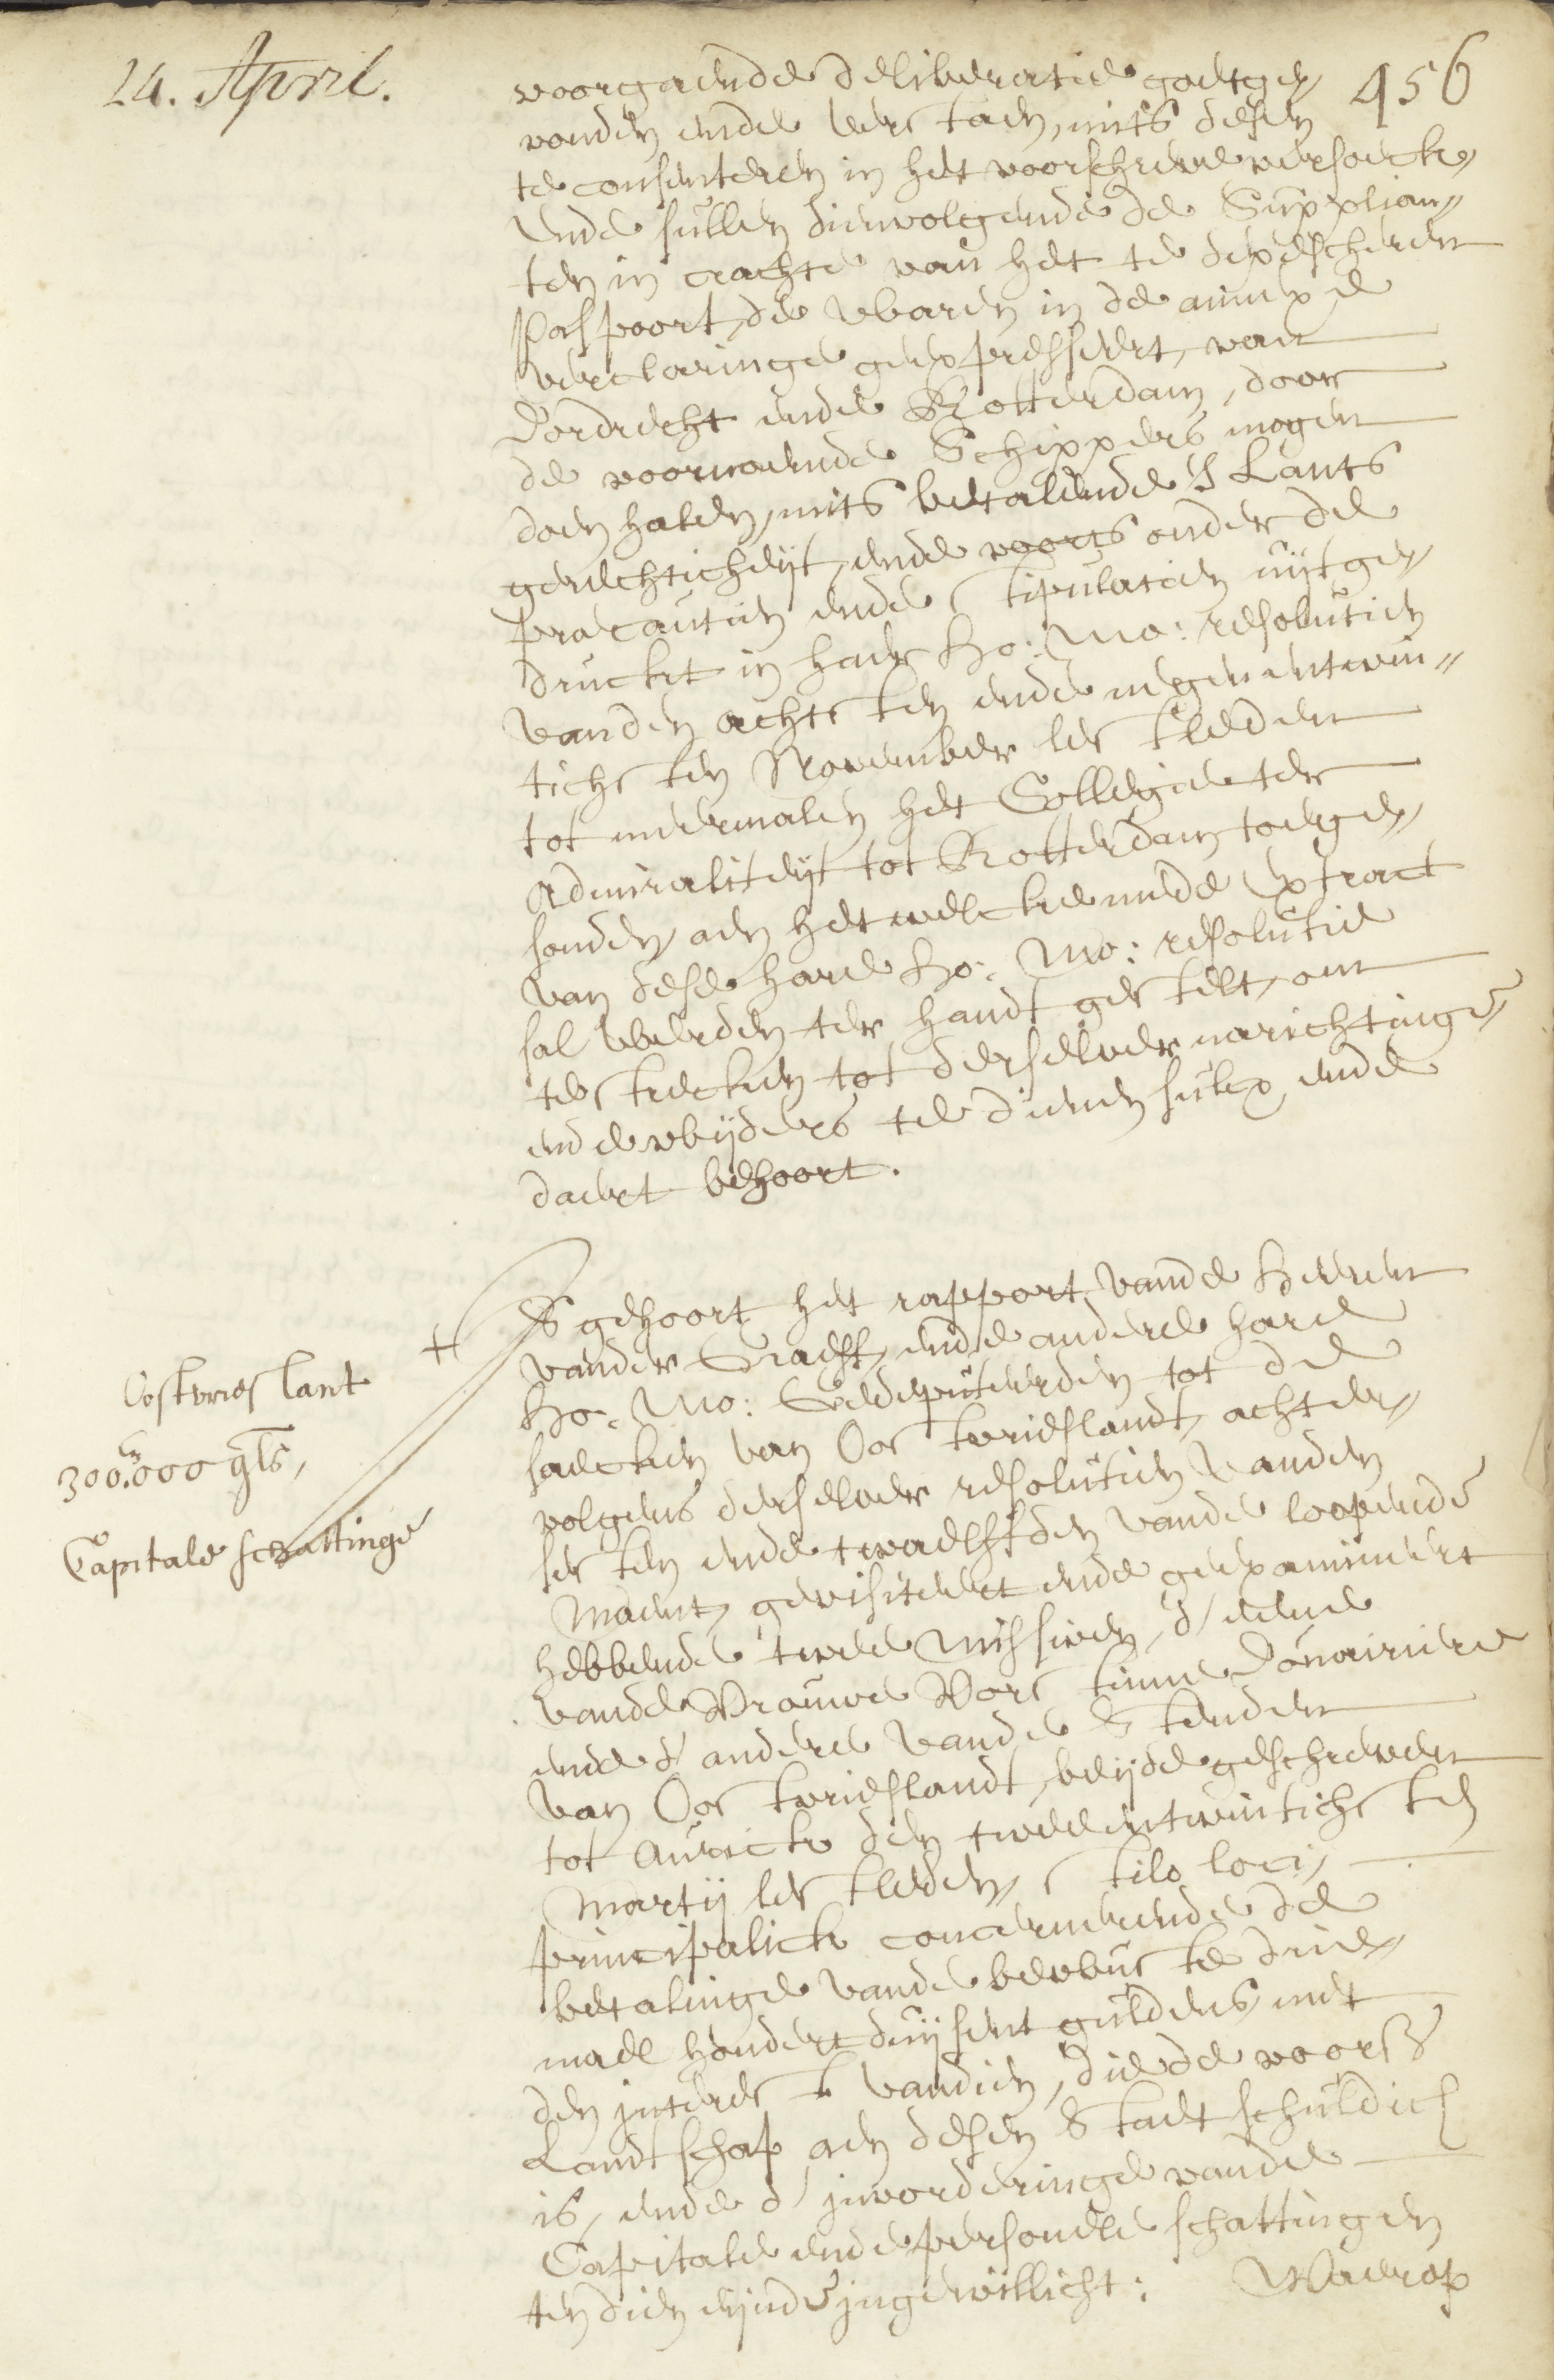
456
24. April.
voorgaende deliberatie goetge,,
vonden ende verstaen, mits desen
te consenteren in het voorschreve versoeck,
ende sullen dienvolgende de Supplian,,
ten in crachte van het te depescheren
Paspoort, de waren in de annexe
verclaringe geexpresseert, van
Dordrecht ende Rotterdam, door
de voornoemde Schippers mogen
doen halen, mits betalende 's Lants
gerechticheijt ende voorts onder de
præcautien ende stipulatien uijtge,,
druckt in haer Ho:Mo: resolutien
van den achtsten ende negenentwin„
tichsten November lestleden
tot meermalen het Collegie ter
Admiraliteijt tot Rotterdam toege,,
sonden, aen het welcke mede Extract
van dese hare Ho:Mo: resolutie
sal werden ter handt gestelt, om
te strecken tot derselver narichtinge
ende wijders te dienen sulcx, ende
daert behoort.
Oostvrieslant
300.000 gls.
Capitale schattinge
Is gehoort het rapport vande Heeren
vander Graeff, ende andere hare
Ho:Mo: Gedeputeerden tot de
saecken van Oostvrieslandt, achter„
volgens derselver resolutien vanden
sesten ende twaelffden vande loopende
maent, gevisiteert ende geexamineert
hebbende twee missiven, d'eene
vande Vrouwe Vorstinne Douairiere
ende d'andere vande Stenden
van Oostvrieslandt, beijde geschreven
tot Aurick den tweentwintichsten
martij lestleden, stilo loci,
principalick concernerende de
betalinge vande bewuste drie,,
mael hondert duijsent guldens, met
den interest vandien, die de voors
Landtschap aen desen Staet schuldich
is, ende d‛ invorderinge vande
Capitale ende personele schattingen
ten dien eijnde ingewillicht: Waerop
